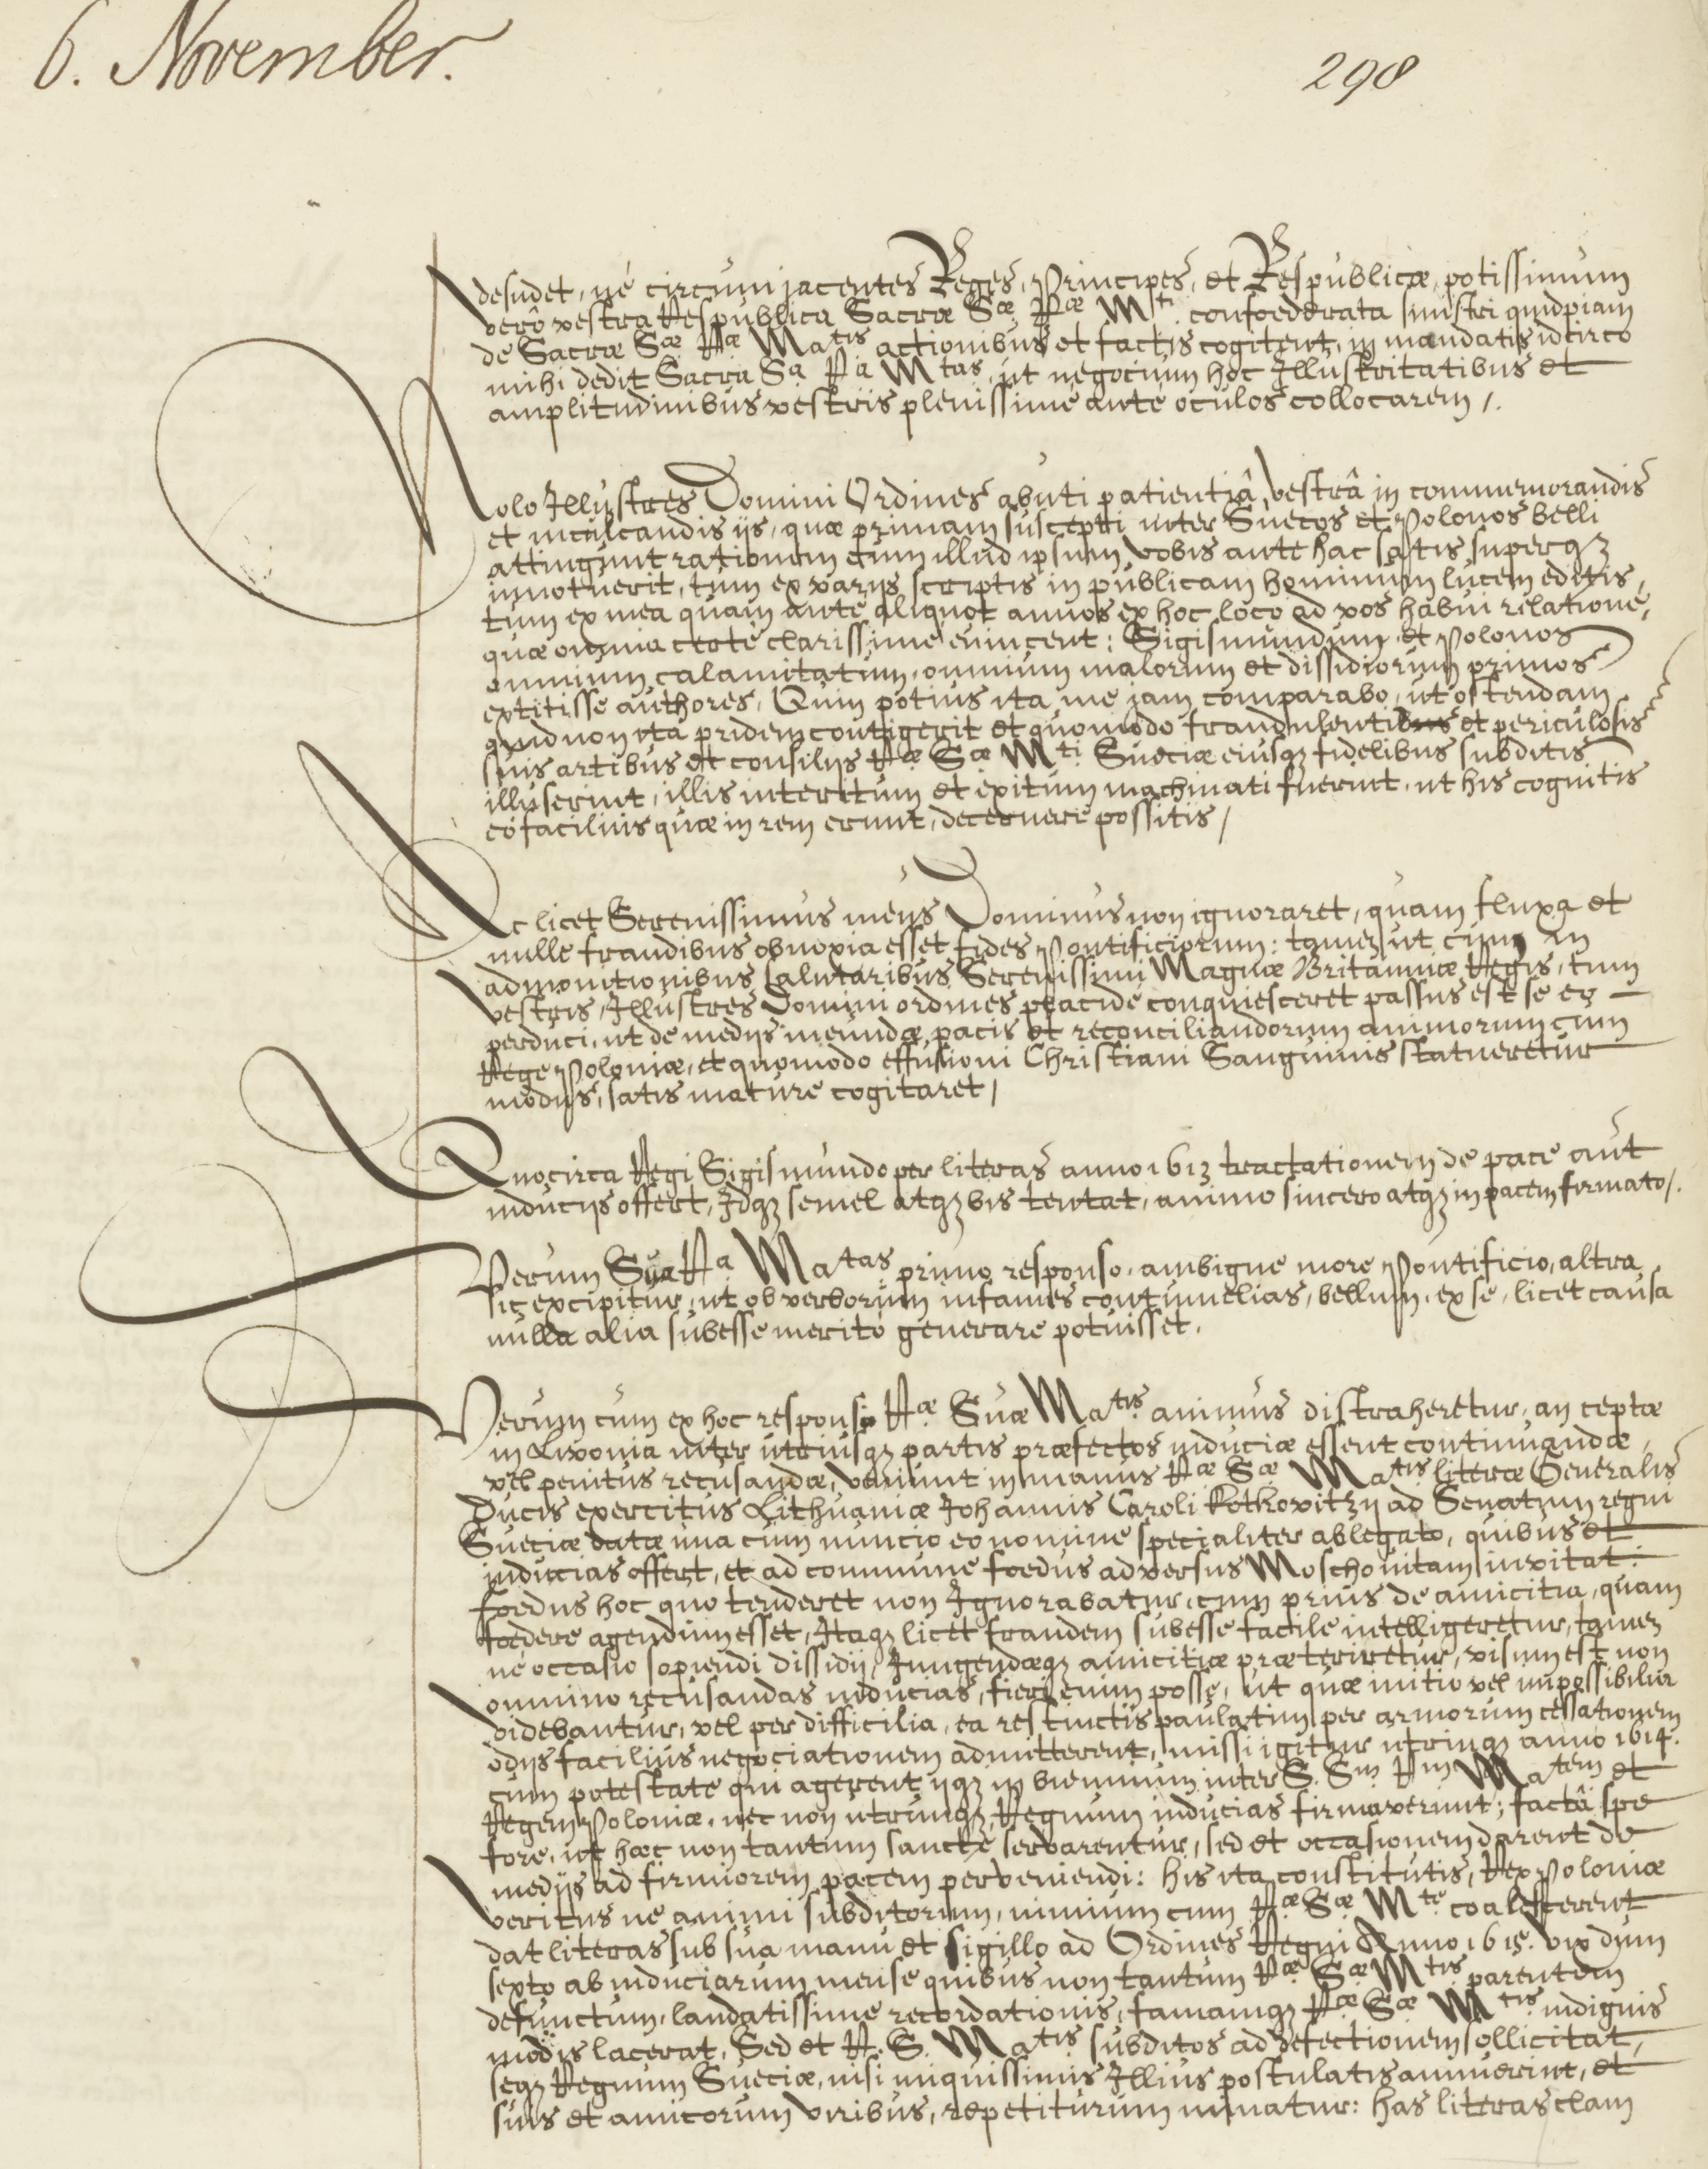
298
6. November.
desudet, ne circum jacentes Reges, Principes, et Respublicæ, potissimum
vero vestra Respublica Sacræ Sæ. Ræ. Mti. confoederata sinistri quidpiam
de Sacræ Sæ. Ræ. Mtis. actionibus et factis cogitent, in mandatis idcirco
mihi dedit Sacra Sa. Ra. Mtas., ut negocium hoc Illustritatibus et
amplitudinibus vestris plenissime ante oculos collocarem.
Nolo Illustres Domini Ordines abuti patientia vestra in commemorandis
et inculcandis iis, quæ primam suscepti inter Suecos et Polonos belli
attingunt rationem cum illud ipsum, vobis ante hac satis superque
innotuerit, tum ex variis scriptis in publicam hominum lucem editis,
tum ex mea quam ante aliquot annos ex hoc loco ad vos habui relatione,
quæ omnia certe clarissime euincent : Sigismundum et Polonos
omnium calamitatum, omnium malorum et dissidiorum primos
extitisse authores. Quin potius ita me jam comparabo, ut ostendam
quid non ita pridem contigerit et quomodo fraudulentibus et periculosis
suis artibus et consiliis Ræ. Sæ. Mti. Sueciæ eiusque fidelibus subditis
illuserint, illis interitum et exitum machinati fuerint, ut his cognitis
eo facilius quæ in rem erunt decernere possitis.
Ac licet Serenissimus meus Dominus non ignoraret, quam fluxa et
mille fraudibus obnoxia esset fides Pontificiorum : tamen ut cum in
admonitionibus salutaribus Serenissimi Magnæ Britanniæ Regis, tum
vestris, Illustres Domini ordines placide conquiescerit passus est se eo
perduci, ut de mediis ineundæ pacis et reconciliandorum animorum cum
Rege Poloniæ, et quomodo effusioni Christiani Sanguinis statueretur
modus, satis mature cogitaret.
Quocirca Regi Sigismundo per literas anno 1613 tractationem de pace aut
induciis offert, Idque semel atque bis tentat, animo sincero atque in pacem firmato.
Verum Sua Ra. Matas, primo responso, ambigue more Pontificio, altra
sic excipitur, ut ob verborum infames contumelias, bellum ex se licet causa
nulla alia subesse merito generare potuisset.
Verum cum ex hoc responso Ræ. Suæ Matis. animus distraheretur, an ceptæ
in Livonia inter utriusque partis præfectos induciæ essent continuandæ
vel penitus recusandæ, veniunt in manus Ræ. Sæ. Matis litteræ Generalis
Ducis exercitus Lithuaniæ Johannis Caroli Rothovitzy ad Senatum regni
Sueciæ datæ una cum nuncio eo nomine specialiter ablegato, quibus et
inducias offert, et ad commune foedus adversus Moschouitam invitat:
foedus hoc quo tenderet non Ignorabatur, cum prius de amicitia, quam
foedere agendum esset, Itaque licet fraudem subesse facile intelligeretur, tamen
ne occasio sopiendi dissidii, Iungendæque amicitiæ præteriretur, visum est non
omnino recusandas inducias, fieri enim posse, ut quæ initio vel impossibilia
videbantur, vel per difficilia, ea restinctis paulatim per armorum cessationem
odiis facilius negociationem admitterent, missi igitur utrinque anno 1614.
cum potestate qui agerent, iique in biennium inter S. Sm. Rm. Matem et
Regem Poloniæ, nec non utrumque Regnum inducias firmaverunt; facta spe
fore, ut hæc non tantum sancte servarentur, sed et occasionem darent de
mediis ad firmiorem pacem perveniendi: his ita constitutis, Rex Poloniæ
veritus ne animi subditorum, nimium cum Ræ. Sæ. Mte. coalescerent
dat literas sub sua manu et sigillo ad Ordines Regni Anno 1615. Vix dum
sexto ab induciarum mense quibus non tantum Ræ. Sæ Mtis. parentem
defunctum, laudatissime recordationis, famamque Ræ. Sæ Mtis. indignis
modis lacerat, Sed et R. S. Matis. subditos ad defectionem sollicitat,
seque Regnum Sueciæ, nisi iniquissimis Illius postulatis annuerint, et
suis et amicorum viribus, repetiturum minatur: has literas clam
